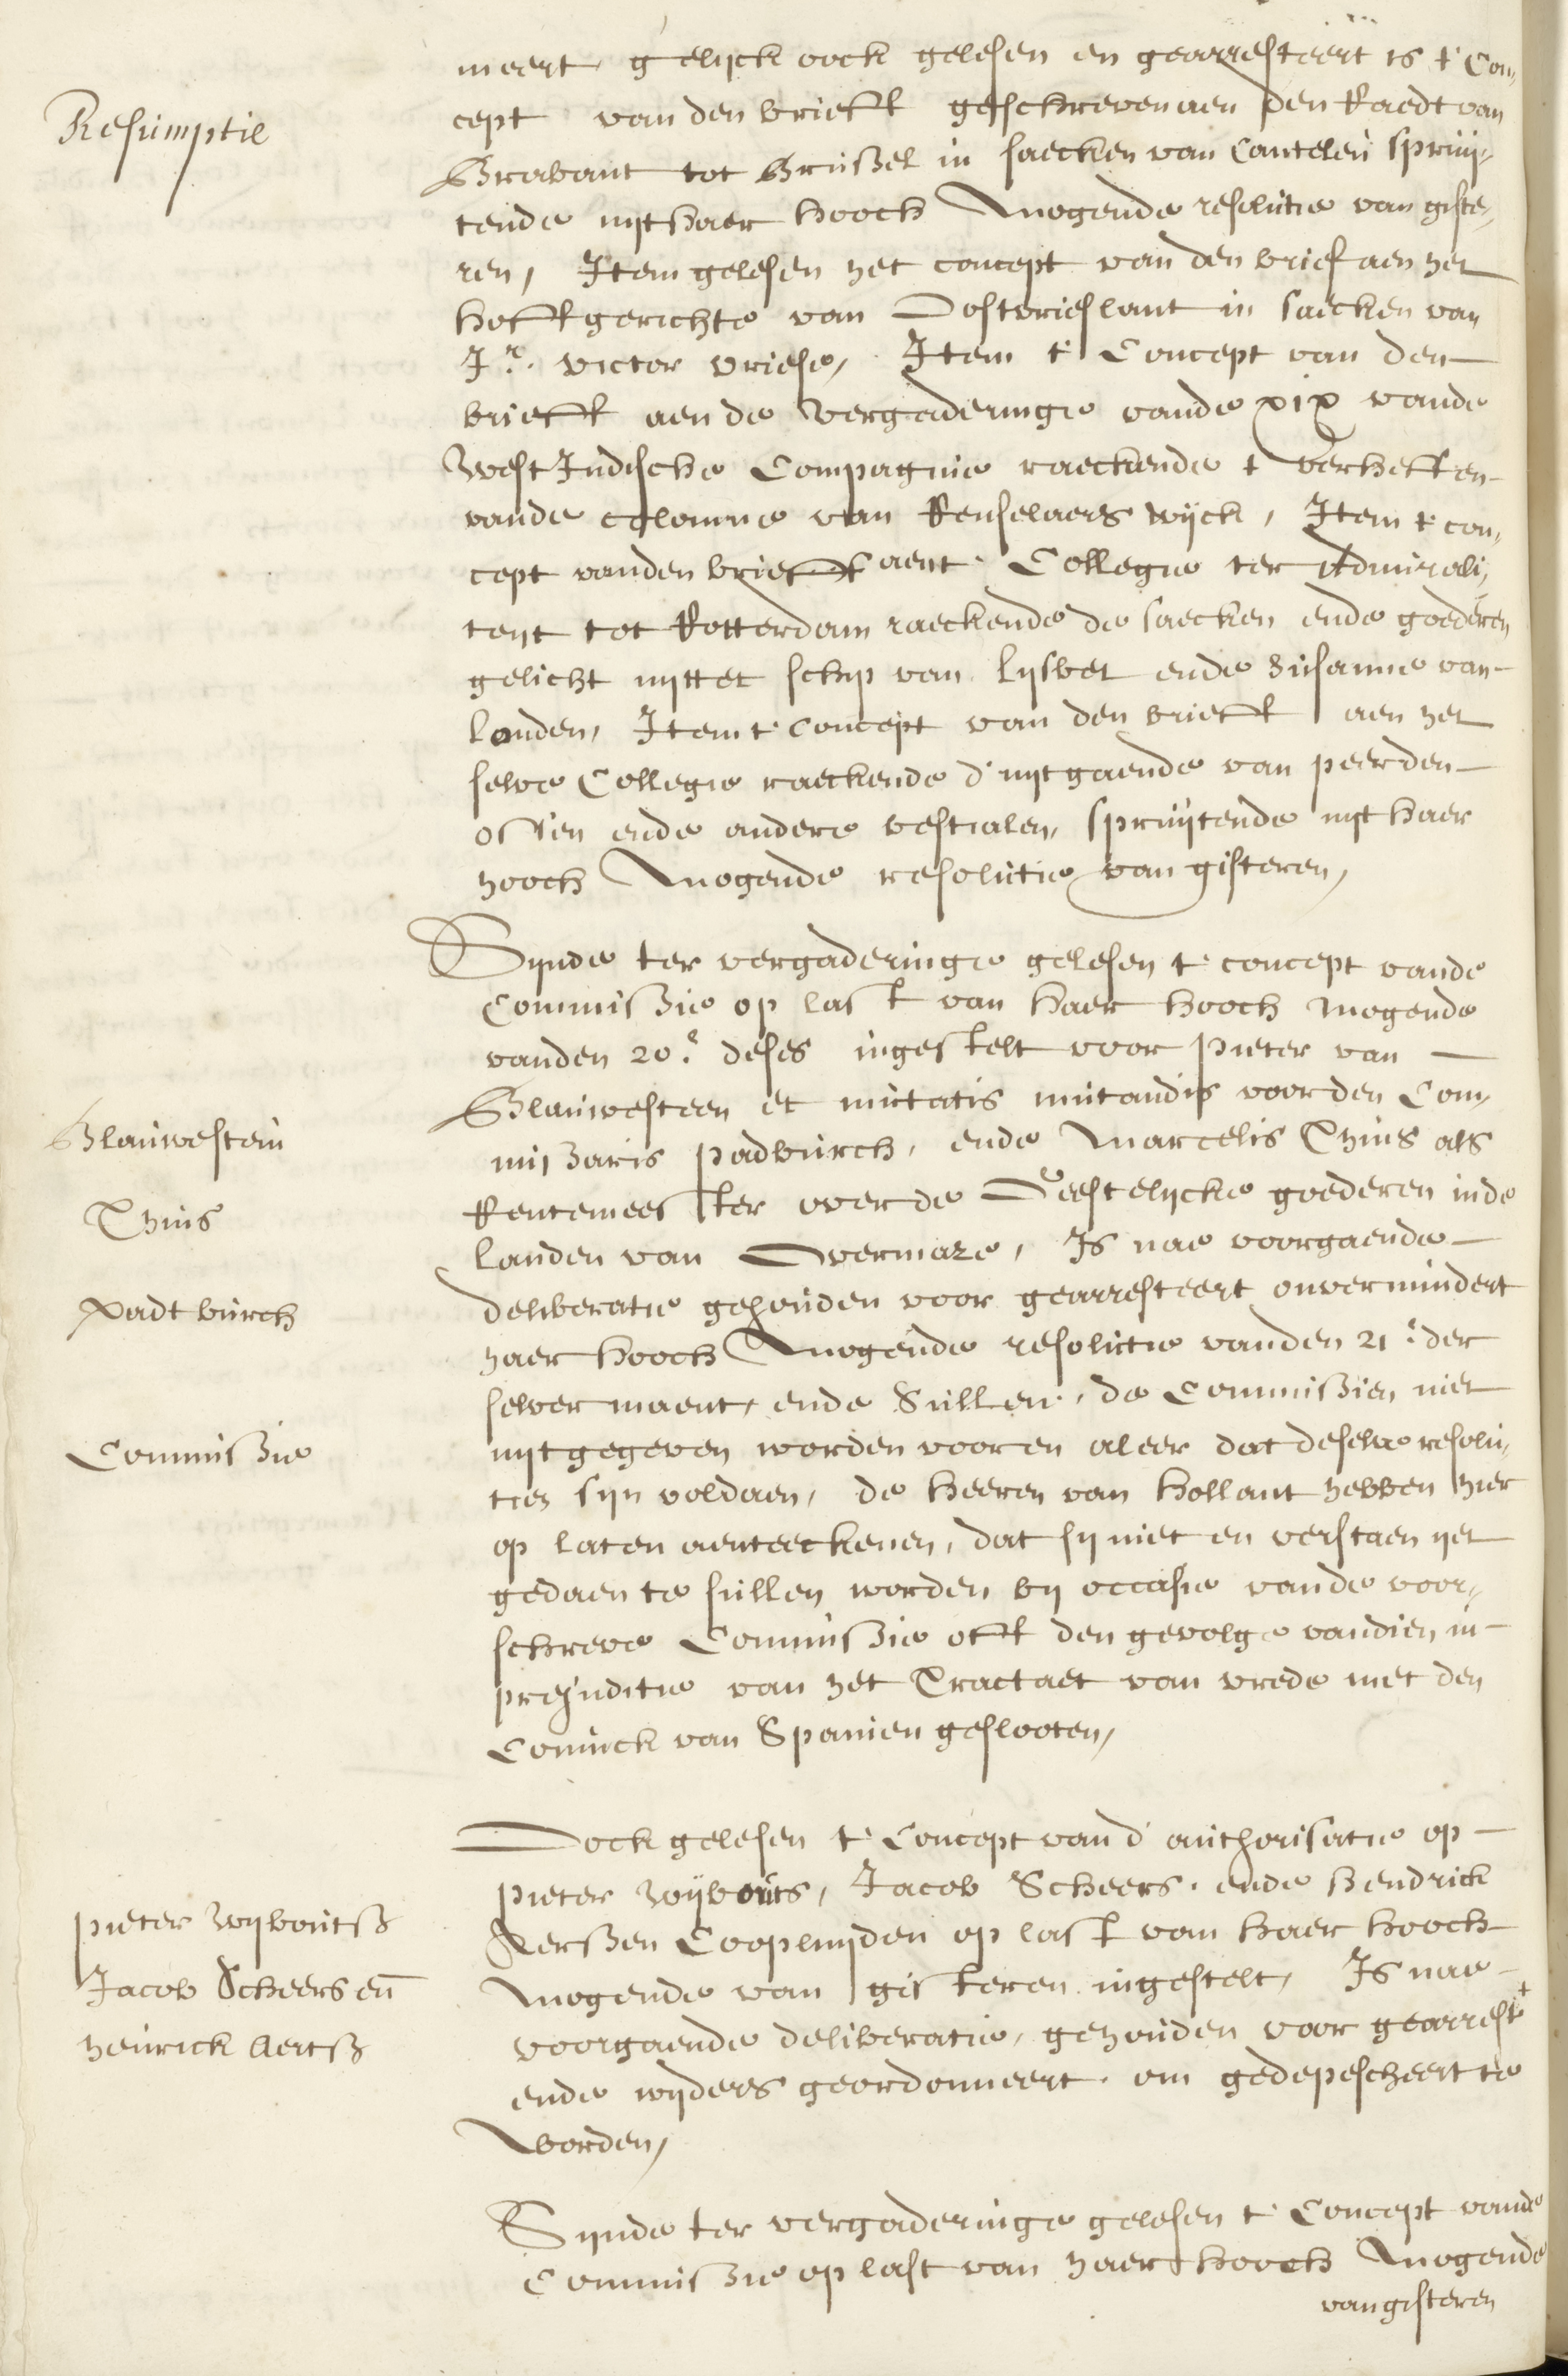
Resumptie
meert, gelyck oock gelesen en gearresteert is t'Con,,
cept van den brieff geschreven aen den Raedt van
Brabant tot Brussel in saecken van Canteleu spruij„
tende uyt Haer Hooch Mogende resolutie van giste„
ren. Item gelesen het concept van den brief aen het
Hoffgerichte van Oostvrieslant in saecken van
Jr. Victor Vriese. Item t'Concept van den
brieff aen de vergaderinge vande xix vande
WestIndische Compagnie raeckende t verheffen
vande colonne van Renselaers wijck. Item t' con„
cept vanden briefff aent' Collegie ter Admirali,
teyt tot Rotterdam raeckende de saecken ende goederen
gelicht uyttet schip van Lysbet ende susanne van
Londen. Item t' concept van den brieff aen het
selve Collegie raeckende d'uytgaende van peerden —
ossen ende andere bestialen, spruijtende uyt Haer
hooch Mogende resolutie van gisteren.
Blauwestein
Thins
Padtburch
Commissie
Synde ter vergaderinge gelesen t'concept vande
Commissie op last van Haer Hooch Mogende
vanden 20e. deses ingestelt voor Pieter van
Blauwesteen et mutatis mutandis voor den Com„
missaris Padburch, ende Marcelis Thins als
Rentemeester over de Geestelycke goederen inde
Landen van Overmaze. Is nae voorgaende
deliberatie gehouden voor gearresteert onvermindert
haer Hooch Mogende resolutie vanden 21e. der
selver maent, ende Sullen, de Commissien niet
uytgegeven worden vooren aleer dat deselve resolu„
tien syn voldaen. de Heeren van Hollant hebben hier
op laten aenteeckenen, dat sy niet en verstaen yet
gedaen te sullen worden by occasie vande voor„
schreve Commissie off den gevolge vandien in
prejuditie van het Tractaet van vrede met den
Coninck van Spanien geslooten.
Pieter Wybouts
Jacob Scheers en
henrick Aerts
Oock gelesen t' Concept van d'authorisatie op
pieter Wijbouts, Jacob Scheers, ende Hendrick
Aerssen Coopluyden op last van Haer Hooch
Mogende van gisteren ingestelt. Is nae
voorgaende deliberatie, gehouden voor gearrestt
ende wyders geordonneert, om gedepescheert te
worden.
Synde ter vergaderinge gelesen t‛ Concept vande
Commissie op last van haer Hooch Mogende
van gisteren
